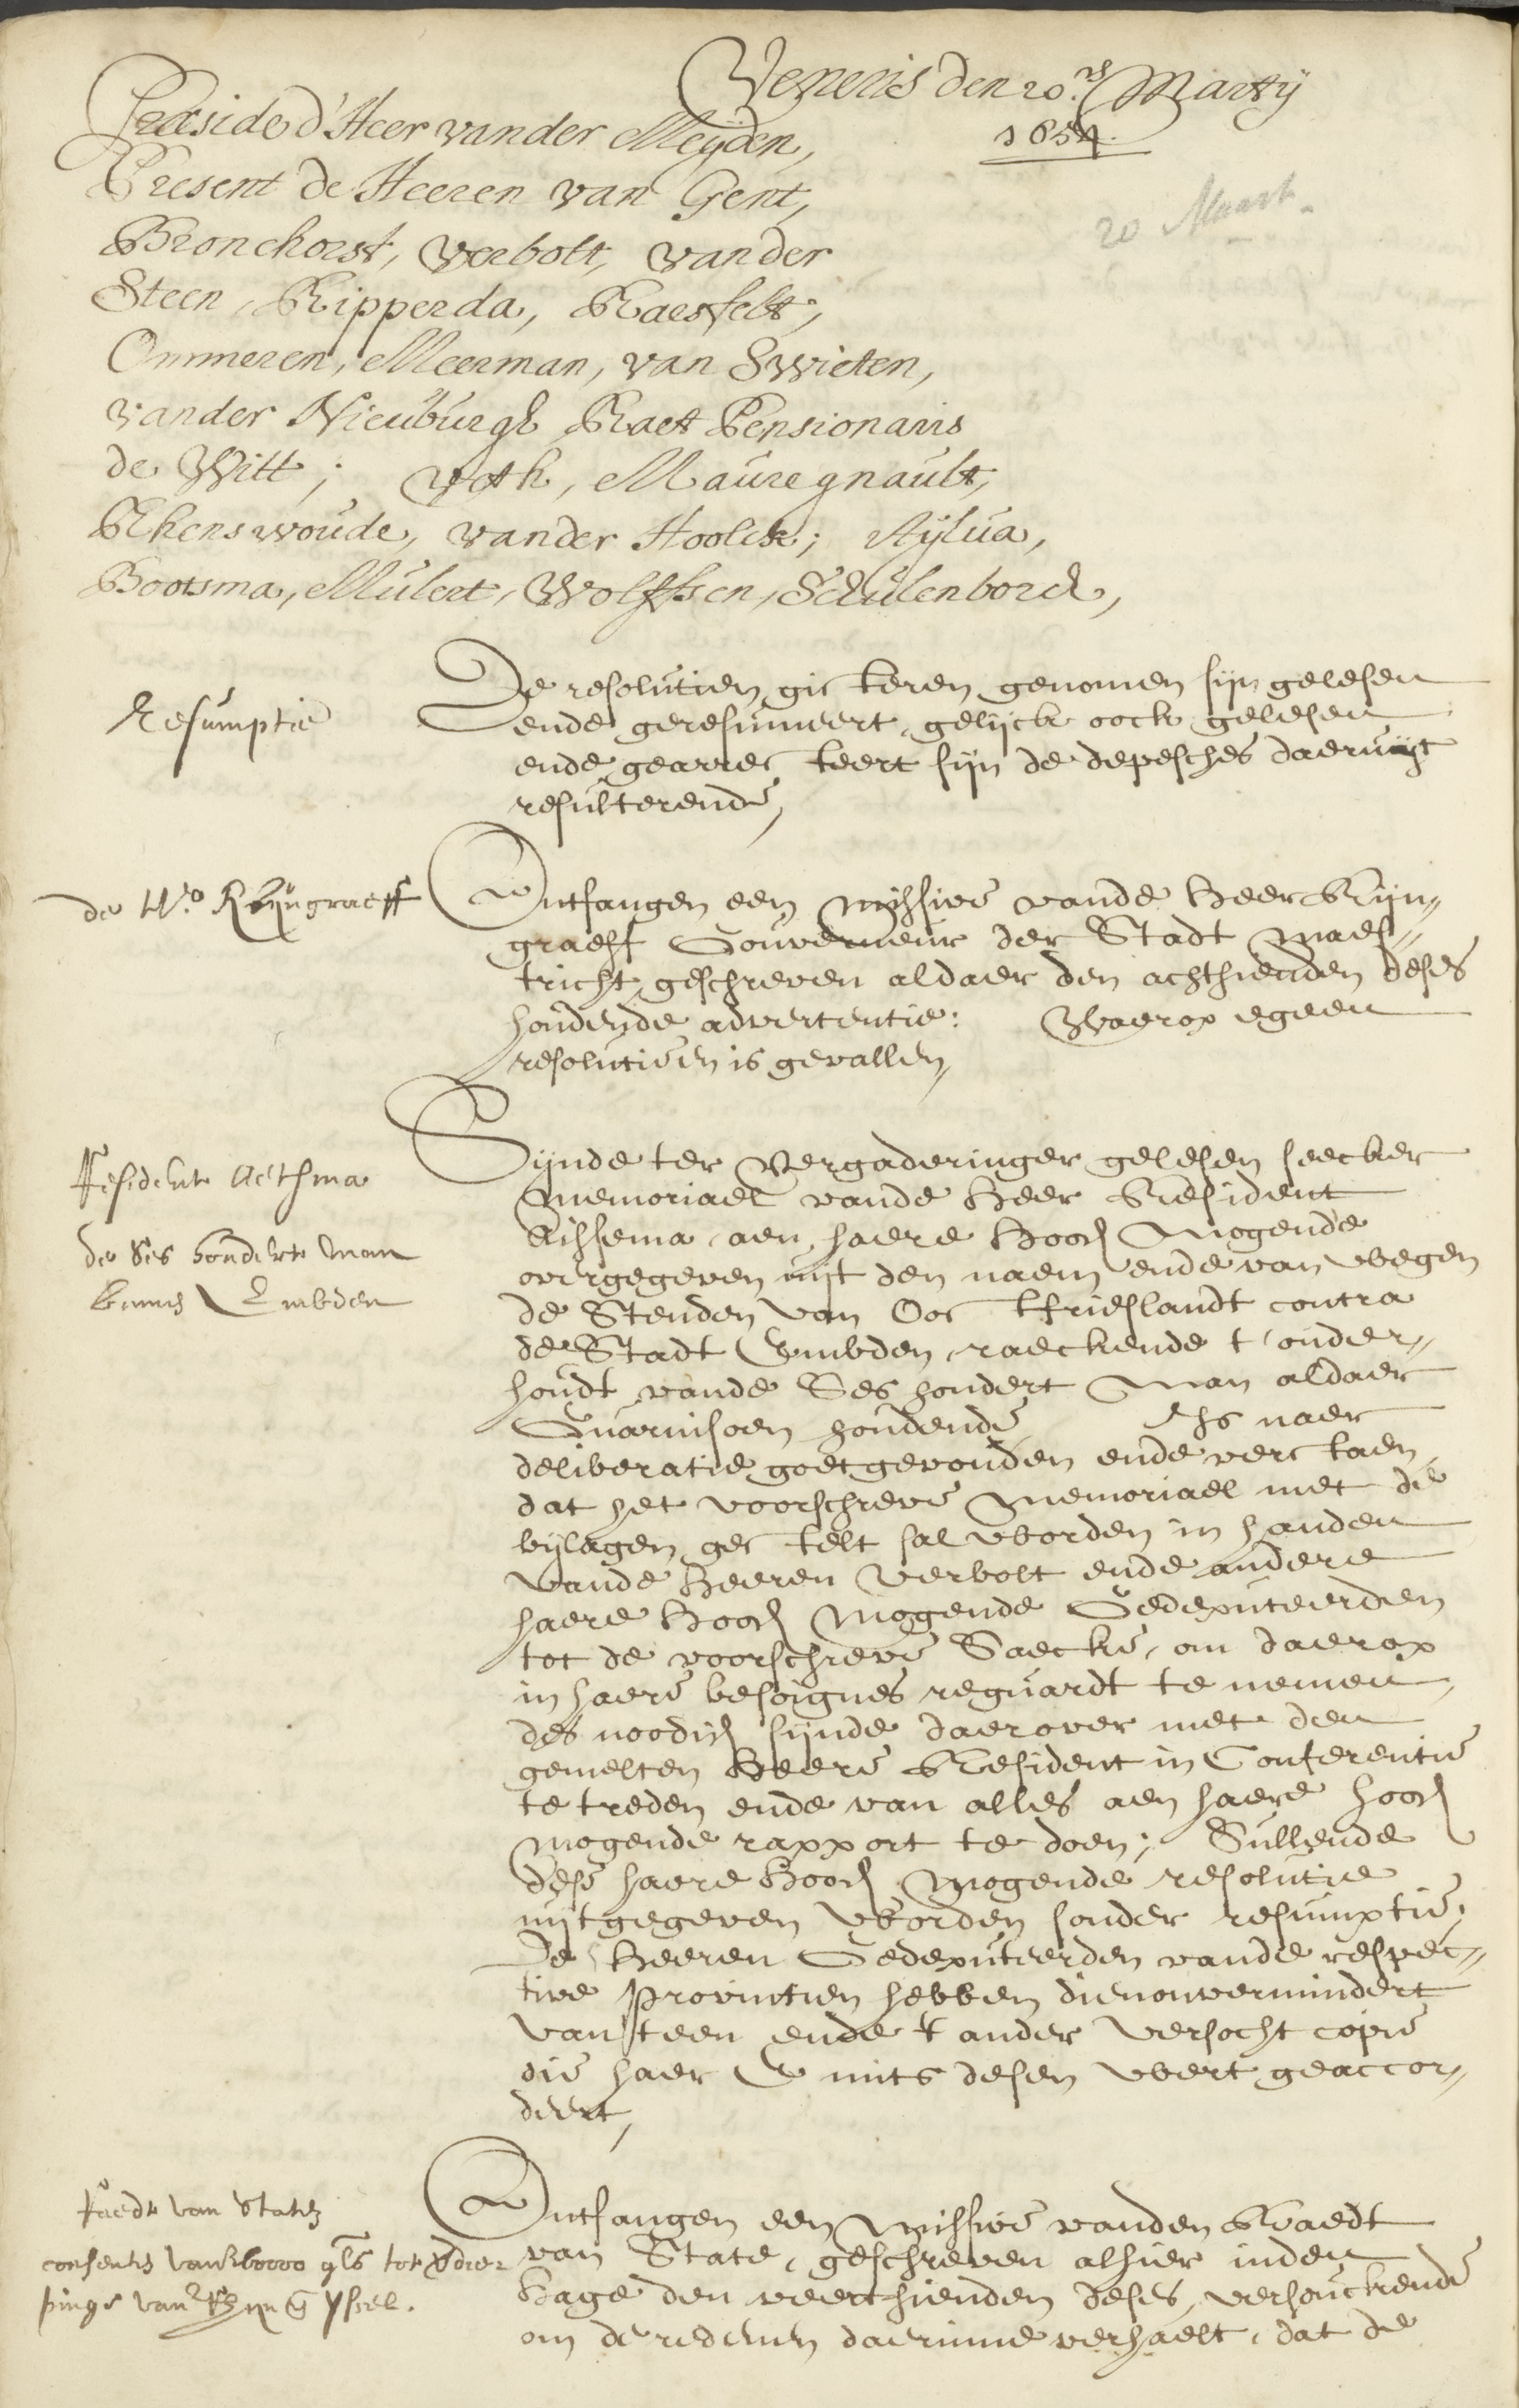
Veneris den 20en. Martij
1654
20 Maart
Præside d' Heer van der Meijden,
Present de Heeren van Gent
Bronchorst, Verbolt, van der
Steen, Ripperda, Raesfelt,
Ommeren, Meerman, van Swieten,
van der Nieuburgh, Raet Pensionaris
de Witt; Veth, Mauregnault;
Rhenswoude, van der Hoolck; Aijlua
Bootsma, Mulert, Wolffsen, Schulenborch,
resumptie
De resolutien gisteren genomen sijn gelesen
ende geresumeert, gelijck oock gelesen
ende gearresteert sijn de depesches daeruijt
resulterende.
de Hr. Rhijngraeff
Ontfangen een missive vande Heer Rijn,
graeff Gouverneur der Stadt Maes,,
tricht, geschreven aldaer den achthienden deses
houdende advertentie: Waerop egeen
resolutieen is gevallen.
Resident Aetsma
de ses hondert man
binnen Embden
Sijnde ter Vergaderinger gelesen seecker
memoriael vande Heer Resident
Aissema, aen haere Hooch mogende
overgegeven uijt den naem ende van wegen
de Stenden van Oostfrieslandt contra
de Stadt Embden, raeckende t'onder„
houdt vande Ses hondert man aldaer
Guarnisoen houdende. Is naer
deliberatie goetgevonden ende verstaen
dat het voorschreve memoriael met de
bijlagen gestelt sal worden in handen
vande Heeren Verbolt ende andere
haere Hooch Mogende Gedeputeerden
tot de voorschreve Saecke, om daerop
in haere besoignes reguardt te nemen
des noodich sijnde, daerover met den
gemelten Heere Resident in Conferentie
te treden ende van alles aen haere Hooch
mogende rapport te doen; Sullende
dese haere Hooch mogende resolutie
uijtgegeven worden sonder resumptie.
De Heeren Gedeputeerden vande respec„
tive provintien hebben dienonvermindert
van't een ende 't ander versocht copie
die haer E. mits desen wert geaccor„
deert.
Raedt van Staten
consenten van 60000 gls tot vdie„
pinge van Rhijn & Yssel.
Ontfangen een missive vanden Raedt
van State, geschreven alhier inden
hage den veerthienden deses versouckende
om de redenen daerinne verhaelt, dat de
